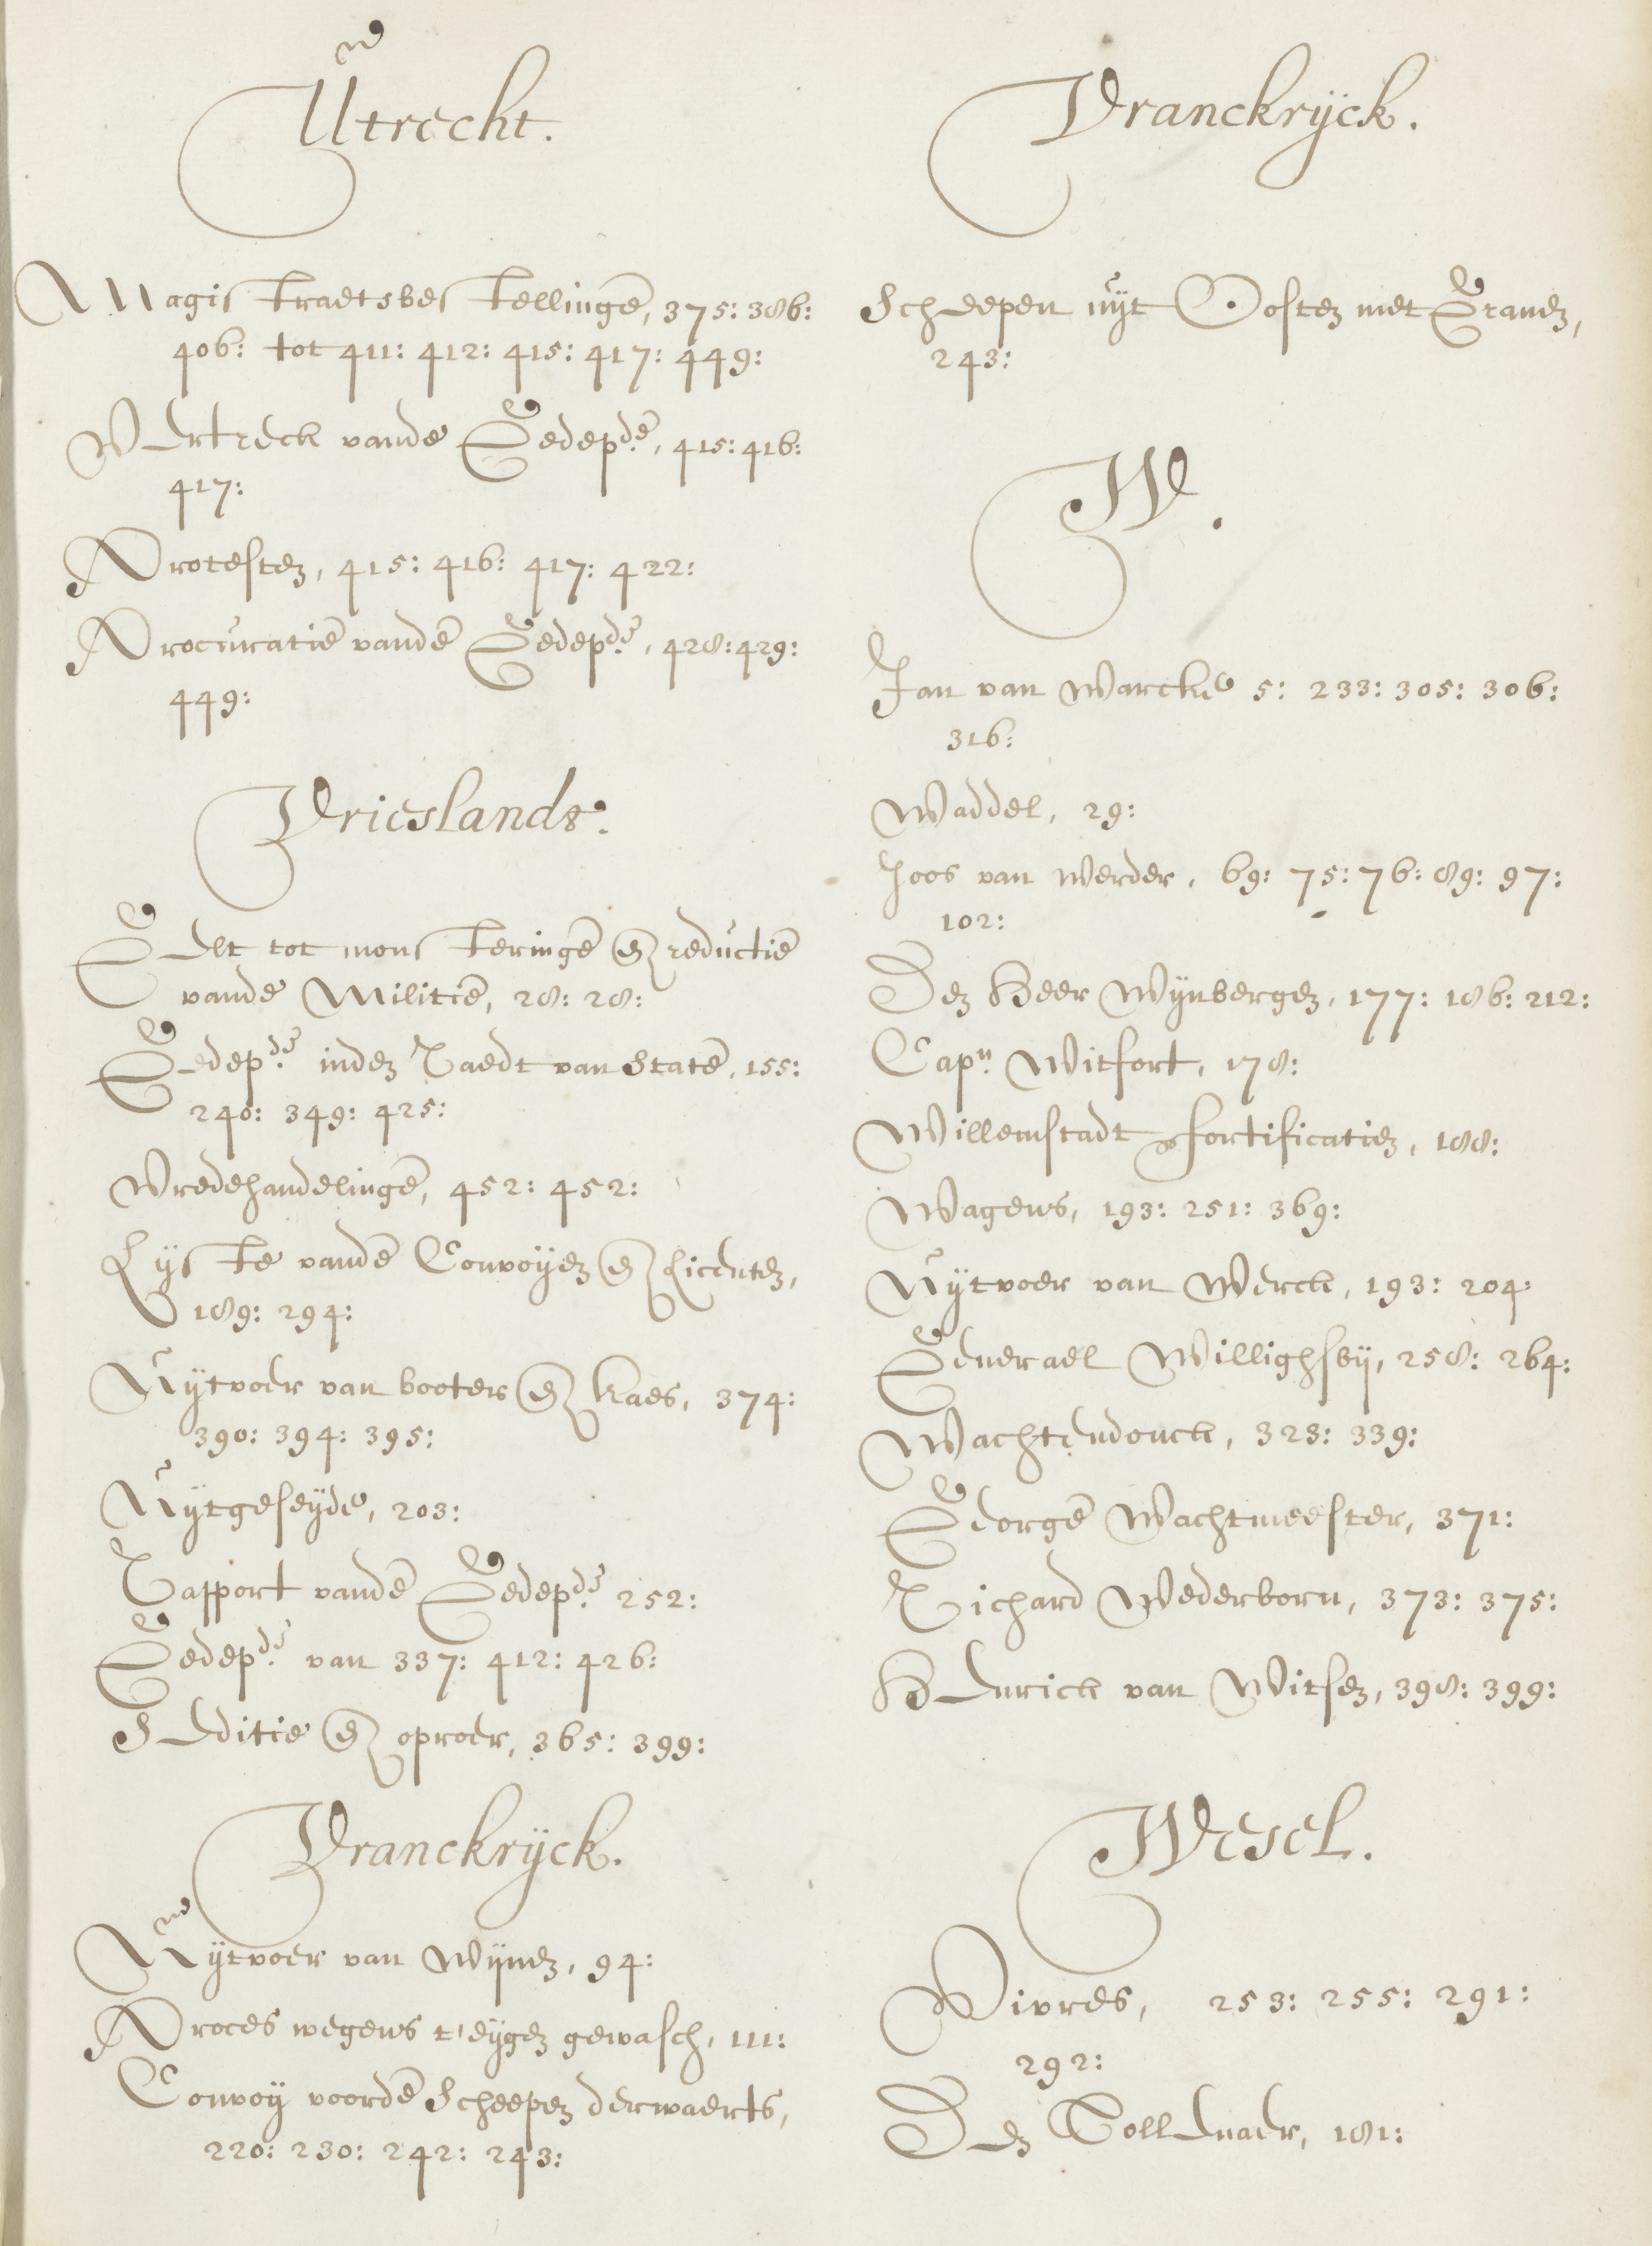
Utrecht.
Magistraetsbestellinge, 375: 386:
406: tot 411: 412: 415: 417: 449:
Vertreck vande Gedepde., 415: 416:
417:
Protesten, 415: 416: 417: 422:
Procuratie vande Gedepde., 428: 429:
449:
Vrieslandt:
Gelt tot monsteringe en reductie
vande Militie, 28: 28:
Gedepde. inden Raedt van State, 155:
240: 349: 425:
Vredehandelinge, 452: 452:
Lijste vande Convoijen en Licenten,
189: 294:
Uijtvoer van booter en kaes, 374:
390: 394: 395:
Uijtgeseijde, 203:
Rapport vande Gedepde. 252:
Gedepde. van 337: 412: 426:
Seditie en oproer, 365: 399:
Vranckrijck.
Uijtvoer van Wijnen, 94:
Proces wegens t' eijgen gewasch, 111:
Convoij voorde Scheepen derwaerts,
220: 230: 242: 243:
Vranckrijck.
Scheepen uijt Oosten met Granen,
243:
W.
Jan van Warcke 5: 233: 305: 306:
316:
Waddel, 29:
Joos van Werder, 69: 75: 76: 89: 97:
102:
Den Heer Wijnbergen, 177: 186: 212:
Capn. Witfort, 178:
Willemstadt Fortificatien, 188:
Wagens, 193: 251: 369:
Uijtvoer van Werck, 193: 204:
Generael Willighsbij, 258: 264:
Wachtendonck, 323, 339:
George Wachtmeester, 371:
Richard Wederborn, 373: 375:
Henrick van Witsen, 398, 399:
Wesel.
Vivres, 253: 255: 291:
292:
Den Tollenaer, 181:
